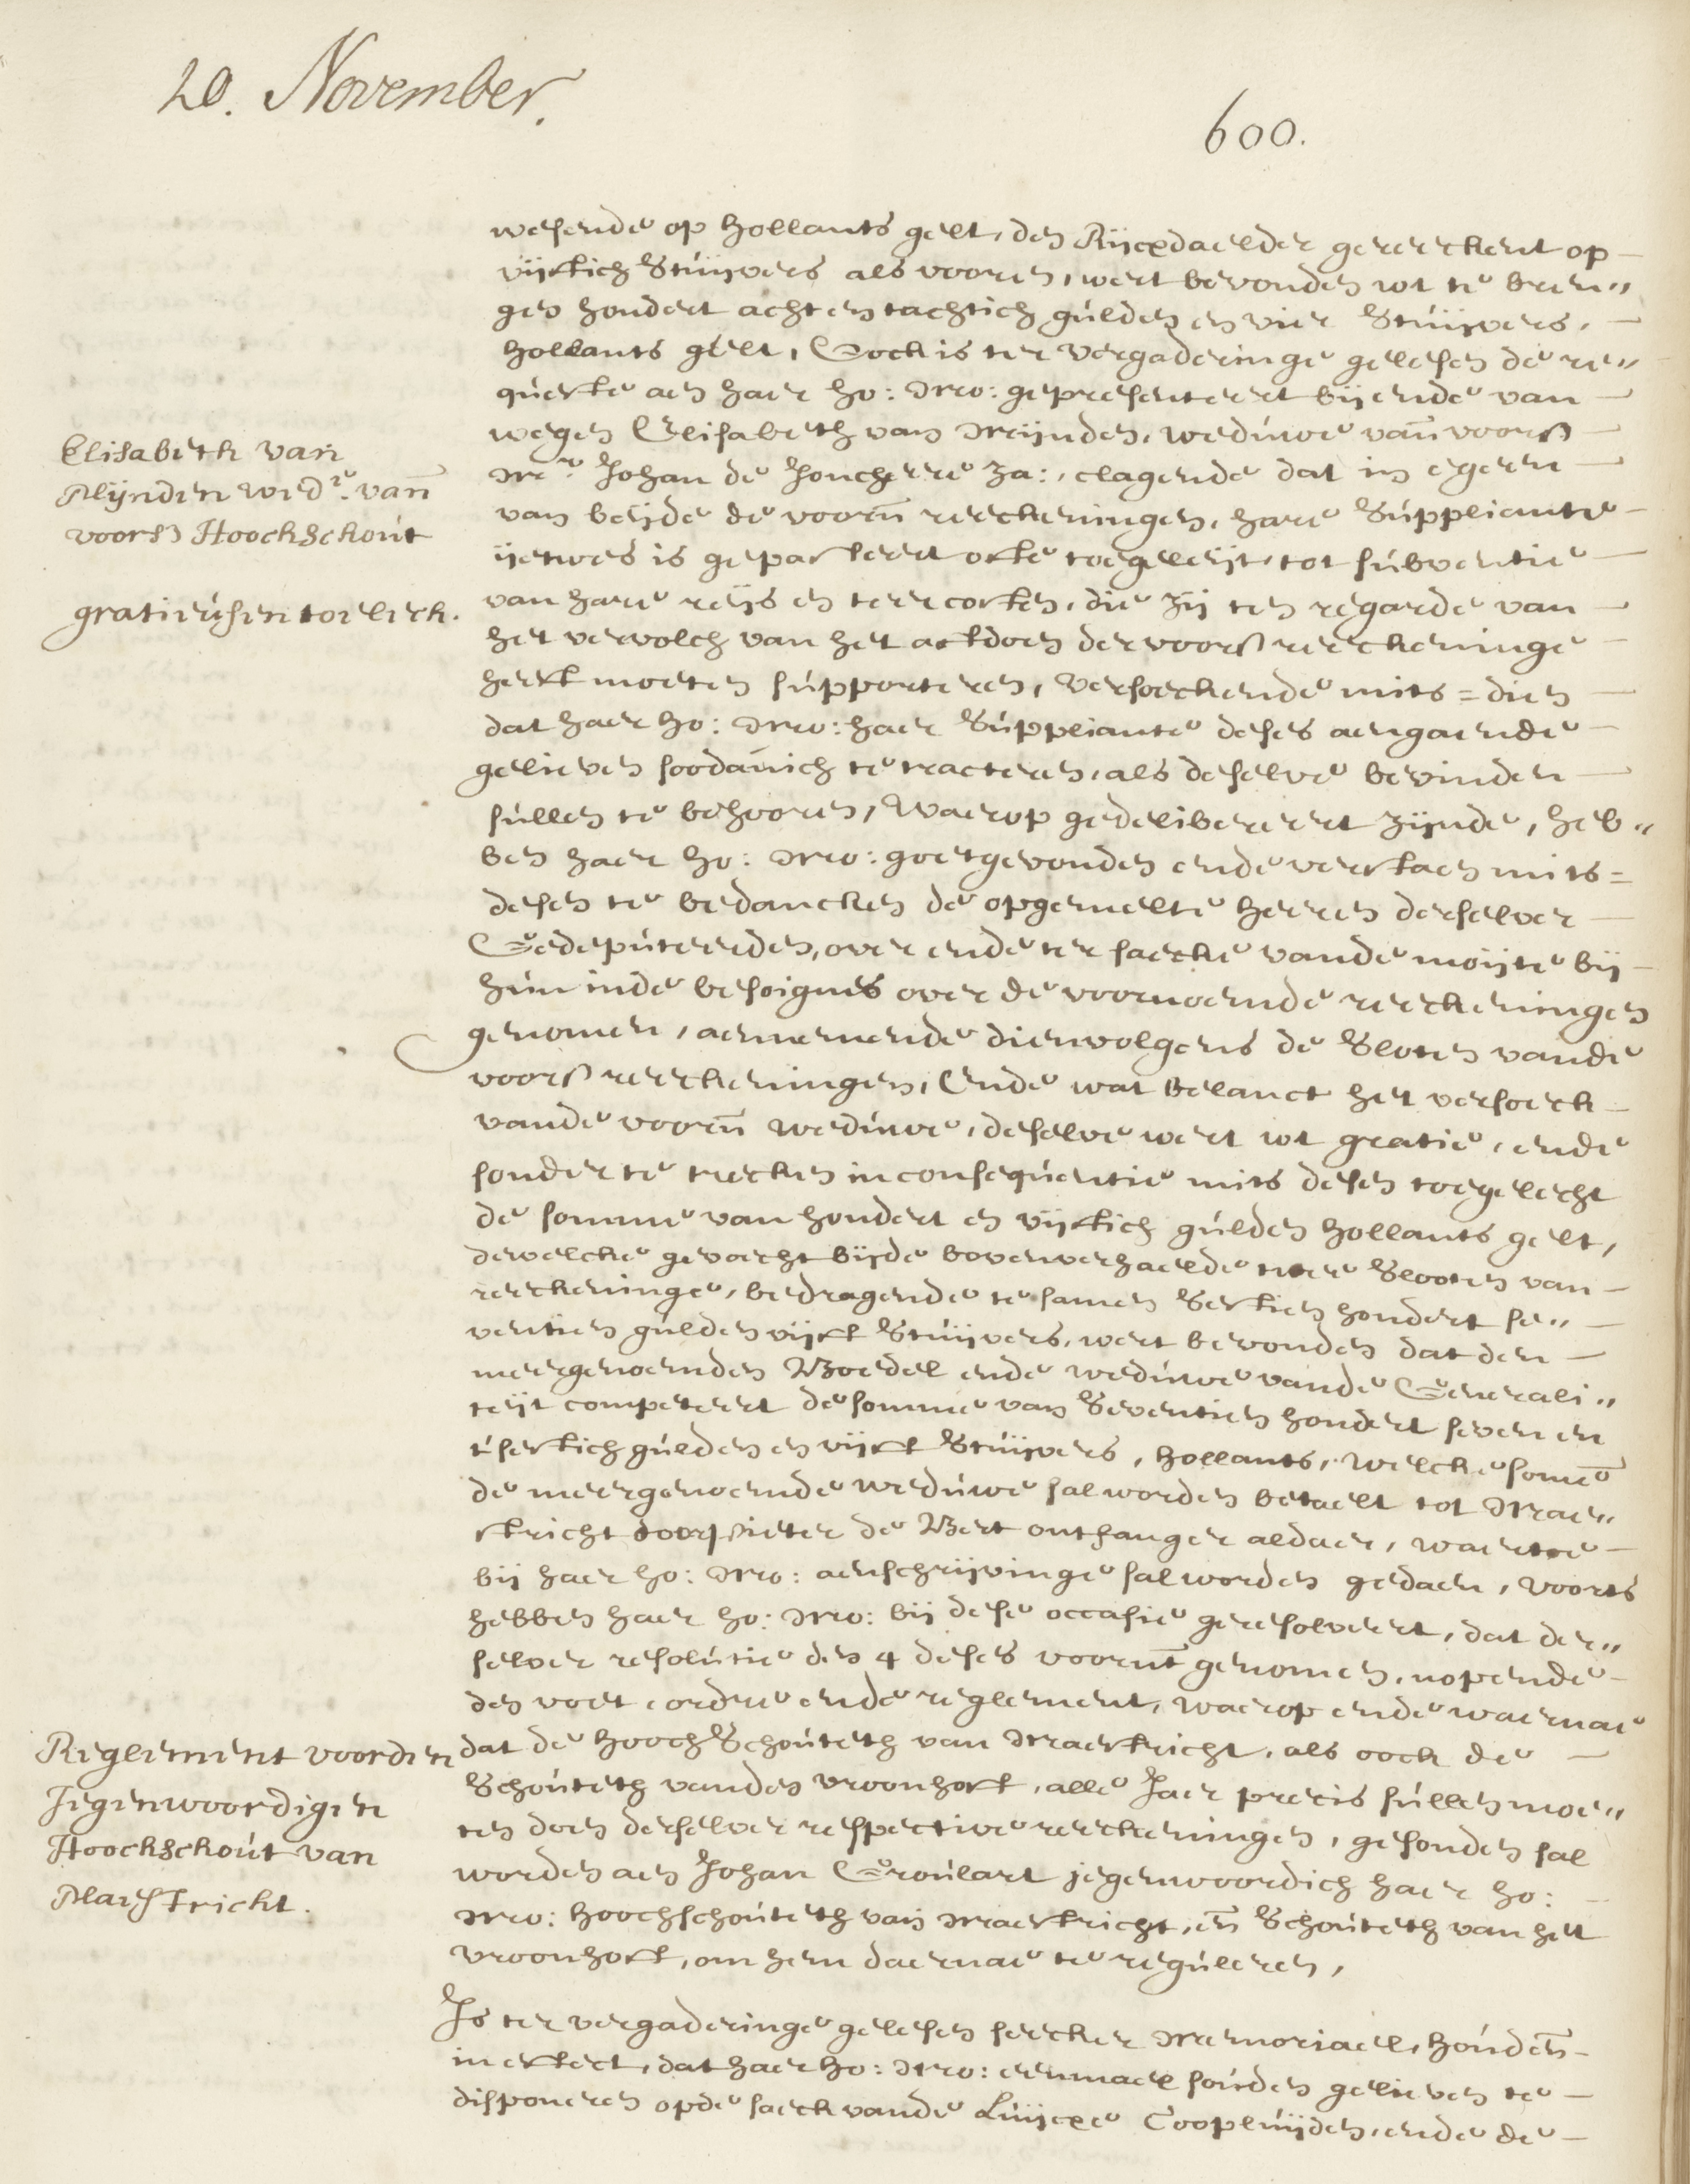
600
20. November
Elisabeth van
Mijnden wede van
voorsz. Hoochschout
gratieusen toelech.
Reglement voorden
Jegenwoordigen
Hoochschout van
Maestricht
wesende op hollants gelt, den Rijcxdaelder gereeckent op
vijftich stuijvers als vooren, wert bevonden wt te bren„
gen hondert achtentachtich gulden en vier stuijvers
hollants gelt. Oock is ter vergaderinge geelesen de re„
queste aen haere Ho:Mo: gepresenteert bij ende van
wegen Elisabeth van Mijnden, weduwe van voors
mr. Johan de Jonchere za: , clagende dat in egeen
van beijde de voorn reeckeningen hare Suppliante
ijetwes is gepasseert ofte toegeleijt tot subventie
van hare reijs en teercosten, die zij ten regarde van
het vervolch van het affdoen der voors reeckeninge
heeft moeten supporteren, versoeckende mits=dien,
dat haer Ho:Mo: haer Suppliante deses aengaende
gelieven soodanich te tracteren, als deselve bevinden
sullen te behooren. Waerop gedelibereert zijnde, heb„
ben haer Ho:Mo: goetgevonden ende verstaen, mits
desen te bedancken de opgemelte heeren derselver
Gedeputeerden over ende ter saecke vande moijte bij
hun inde besoignes over de voornoemde reeckeningen
genomen, aennemende dienvolgens de Sloten vande
voors reeckeningen. Ende wat belanct het versoeck
vande voorn weduwe, deselve wert wt gratie, ende
sonder te trecken in consequentie mits desen toegelecht
de somme van hondert en vijftich gulden hollants gelt,
dewelcke gevoecht bijde bovenverhaelde twee Slooten van
reeckeninge, bedragende te samen Sestien hondert se„
ventien gulden vijff Stuijvers, wert bevonden dat den
meergenoemden Boedel ende weduwe vande Generali„
teijt competeert de somme van Seventien hondert seven en
t'sestich gulden en vijff stuijvers, hollants, welcke somme
de meergenoemde weduwe sal worden betaelt tot Mae„
stricht door Pieter de Bert ontfanger aldaer, waertoe
bij haer Ho:Mo: aenschrijvinge sal worden gedaen, voorts
hebben haer Ho:Mo: bij dese occasie geresolveert, dat der„
selver resolutie der 4 deses voornt genomen, nopende
den voet, ordre ende reglement, waerop ende waernae
dat de hoochschouteth van Maestricht, als oock de
Schouteth vanden vroonhoff, alle jaer precis sullen moe„
ten doen derselver respective reeckeningen, gesonden sal
worden aen Johan Groulart jegenwoordich haer Ho:
Mo: hoochschouteth van Maestricht en Schouteth van het
vroonhoff, om hem daernae te reguleren.
Is ter vergaderinge gelesen seecker memoriael houden
in effect dat haer Ho:Mo: eenmael souden gelieven te
disponeren opde saeck vande Luijcxe Coopluijden, ende de
